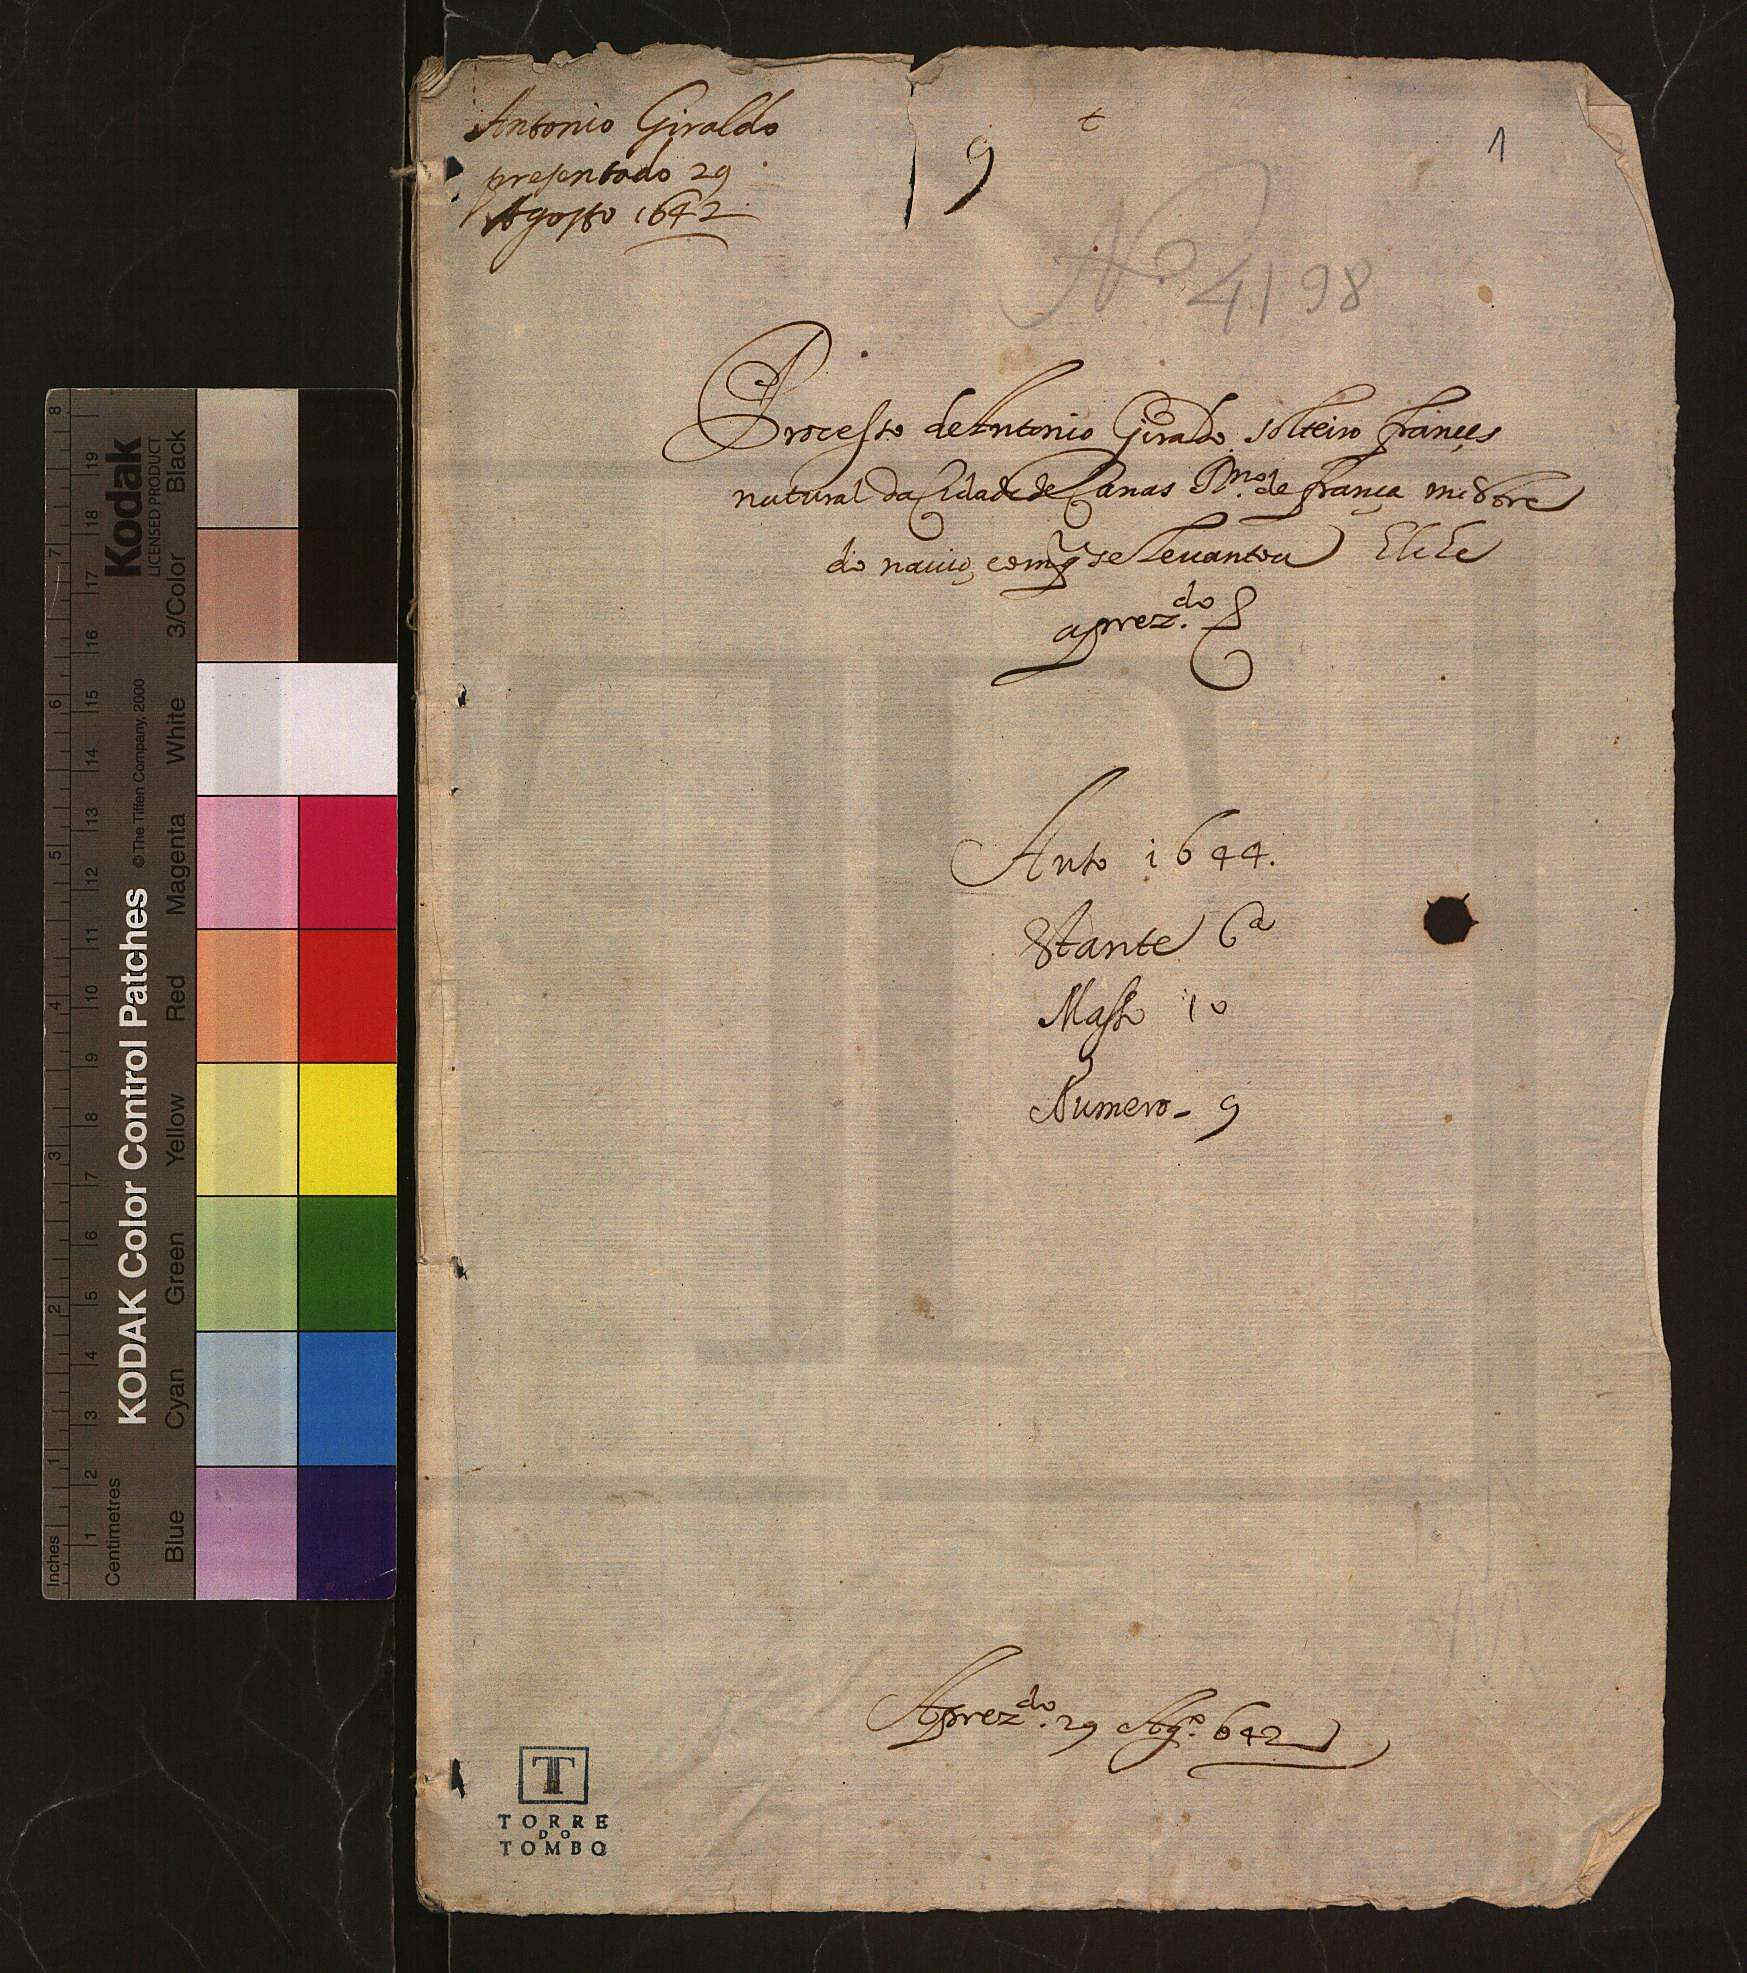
Antonio Giraldo
presentado 29
Agosto 1642
Processo de Antonio Giraldo solteiro frances
natural da Cidade de Canas R.no de frança mestre
do nauio, com q̄ se Leuantou Ele he
aprez.do
Auto i644.
estante 6a
Masso 10
Numero - 9
Aprez.do 29 Ag.o 642
